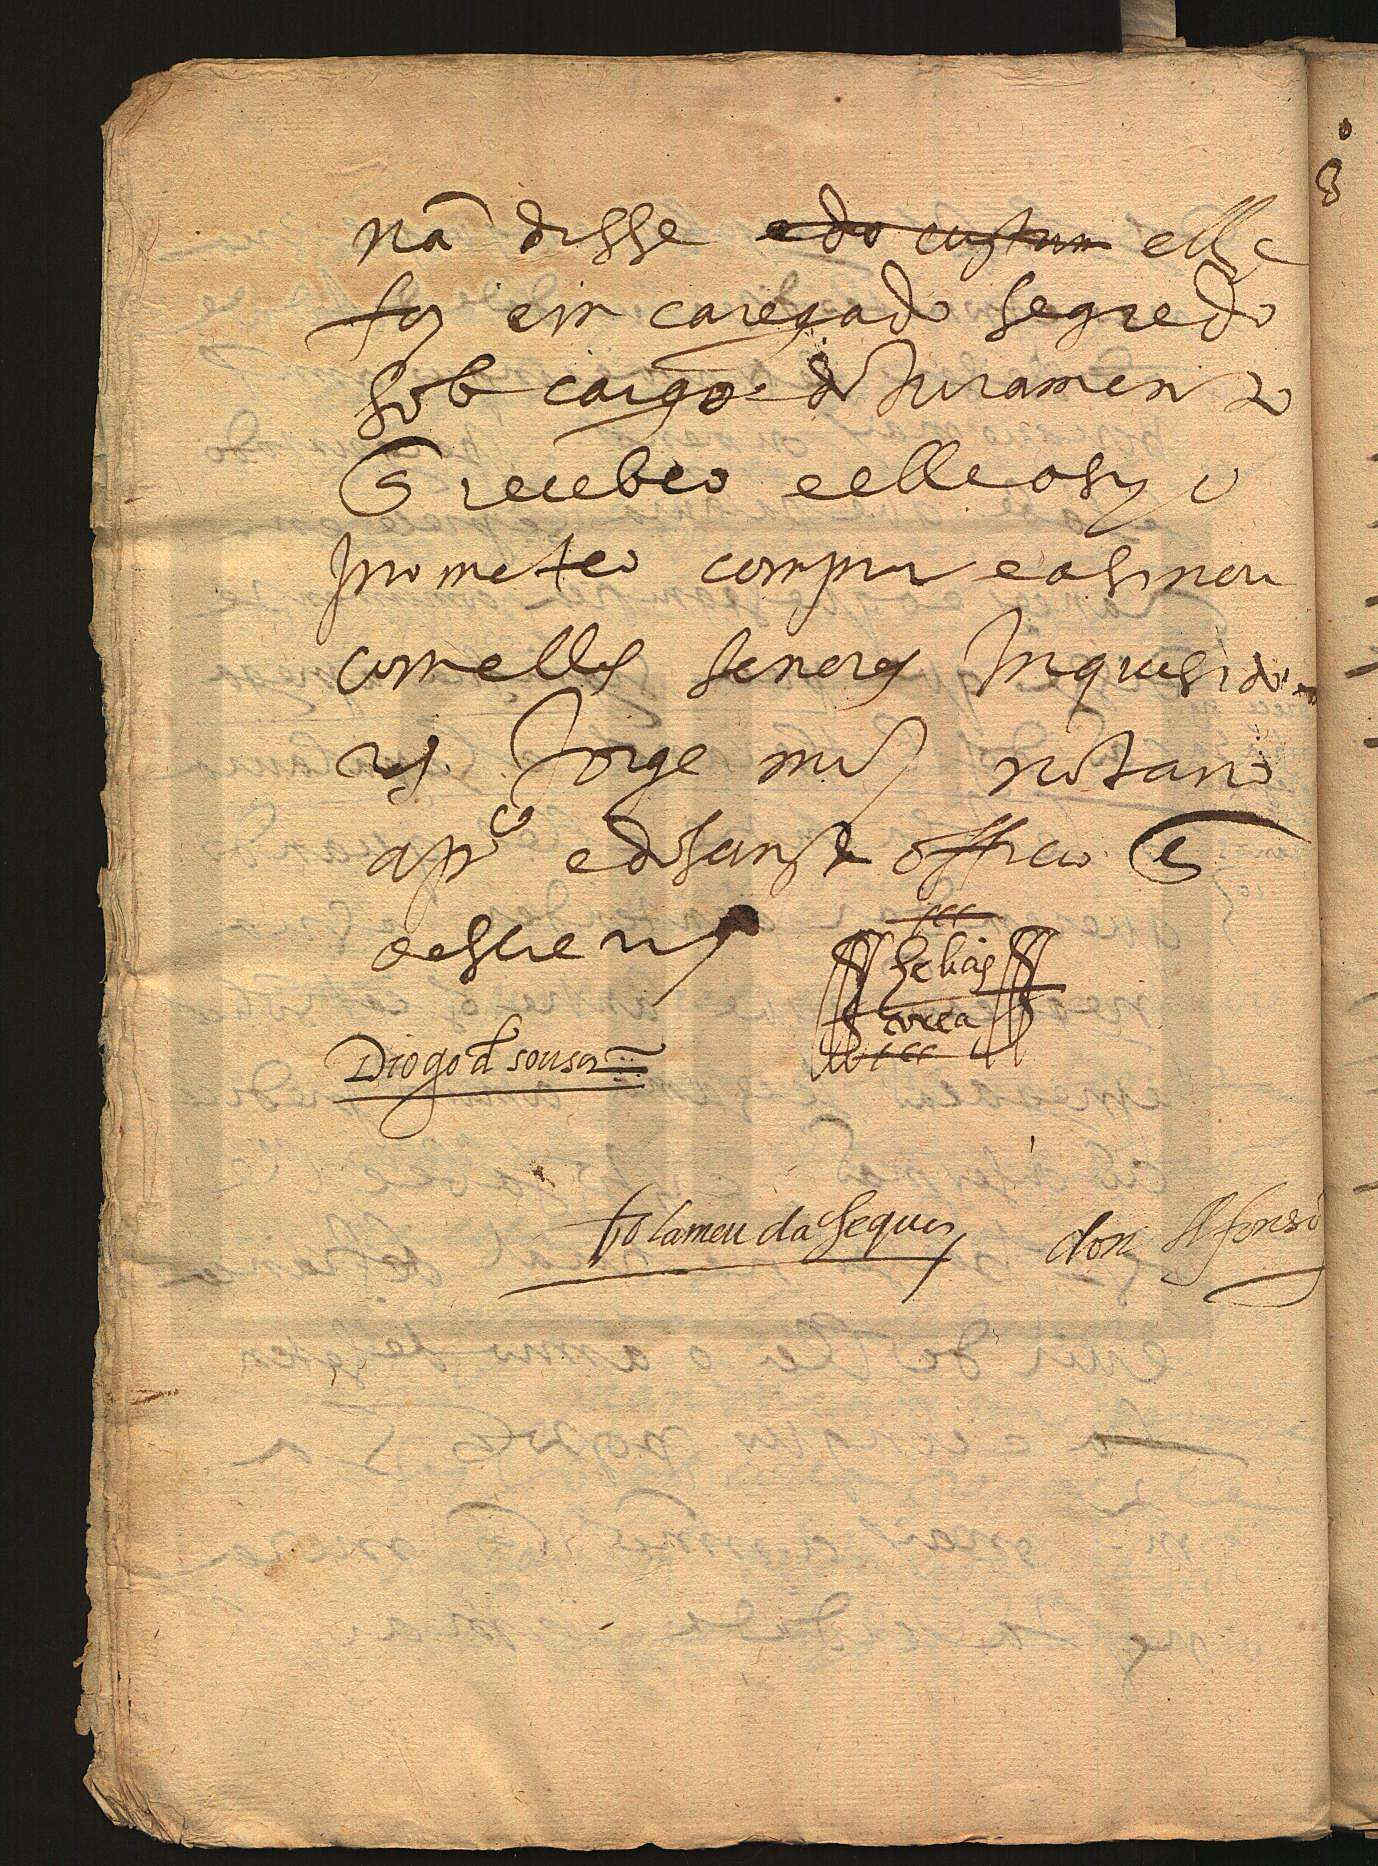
nā disse e do custum e lhe
foj emcaregado segredo
sob cargo do Juramento
q̄ recebeo e elle asy o
prometeo comprir e asinou
com elles senores Inquesido
res Jorge mīz notario
apco e do sancto officio q̄
o escreuj
helias
corea
Diogo d̄ sousa
b̄olameu daosequa
don Afonso
